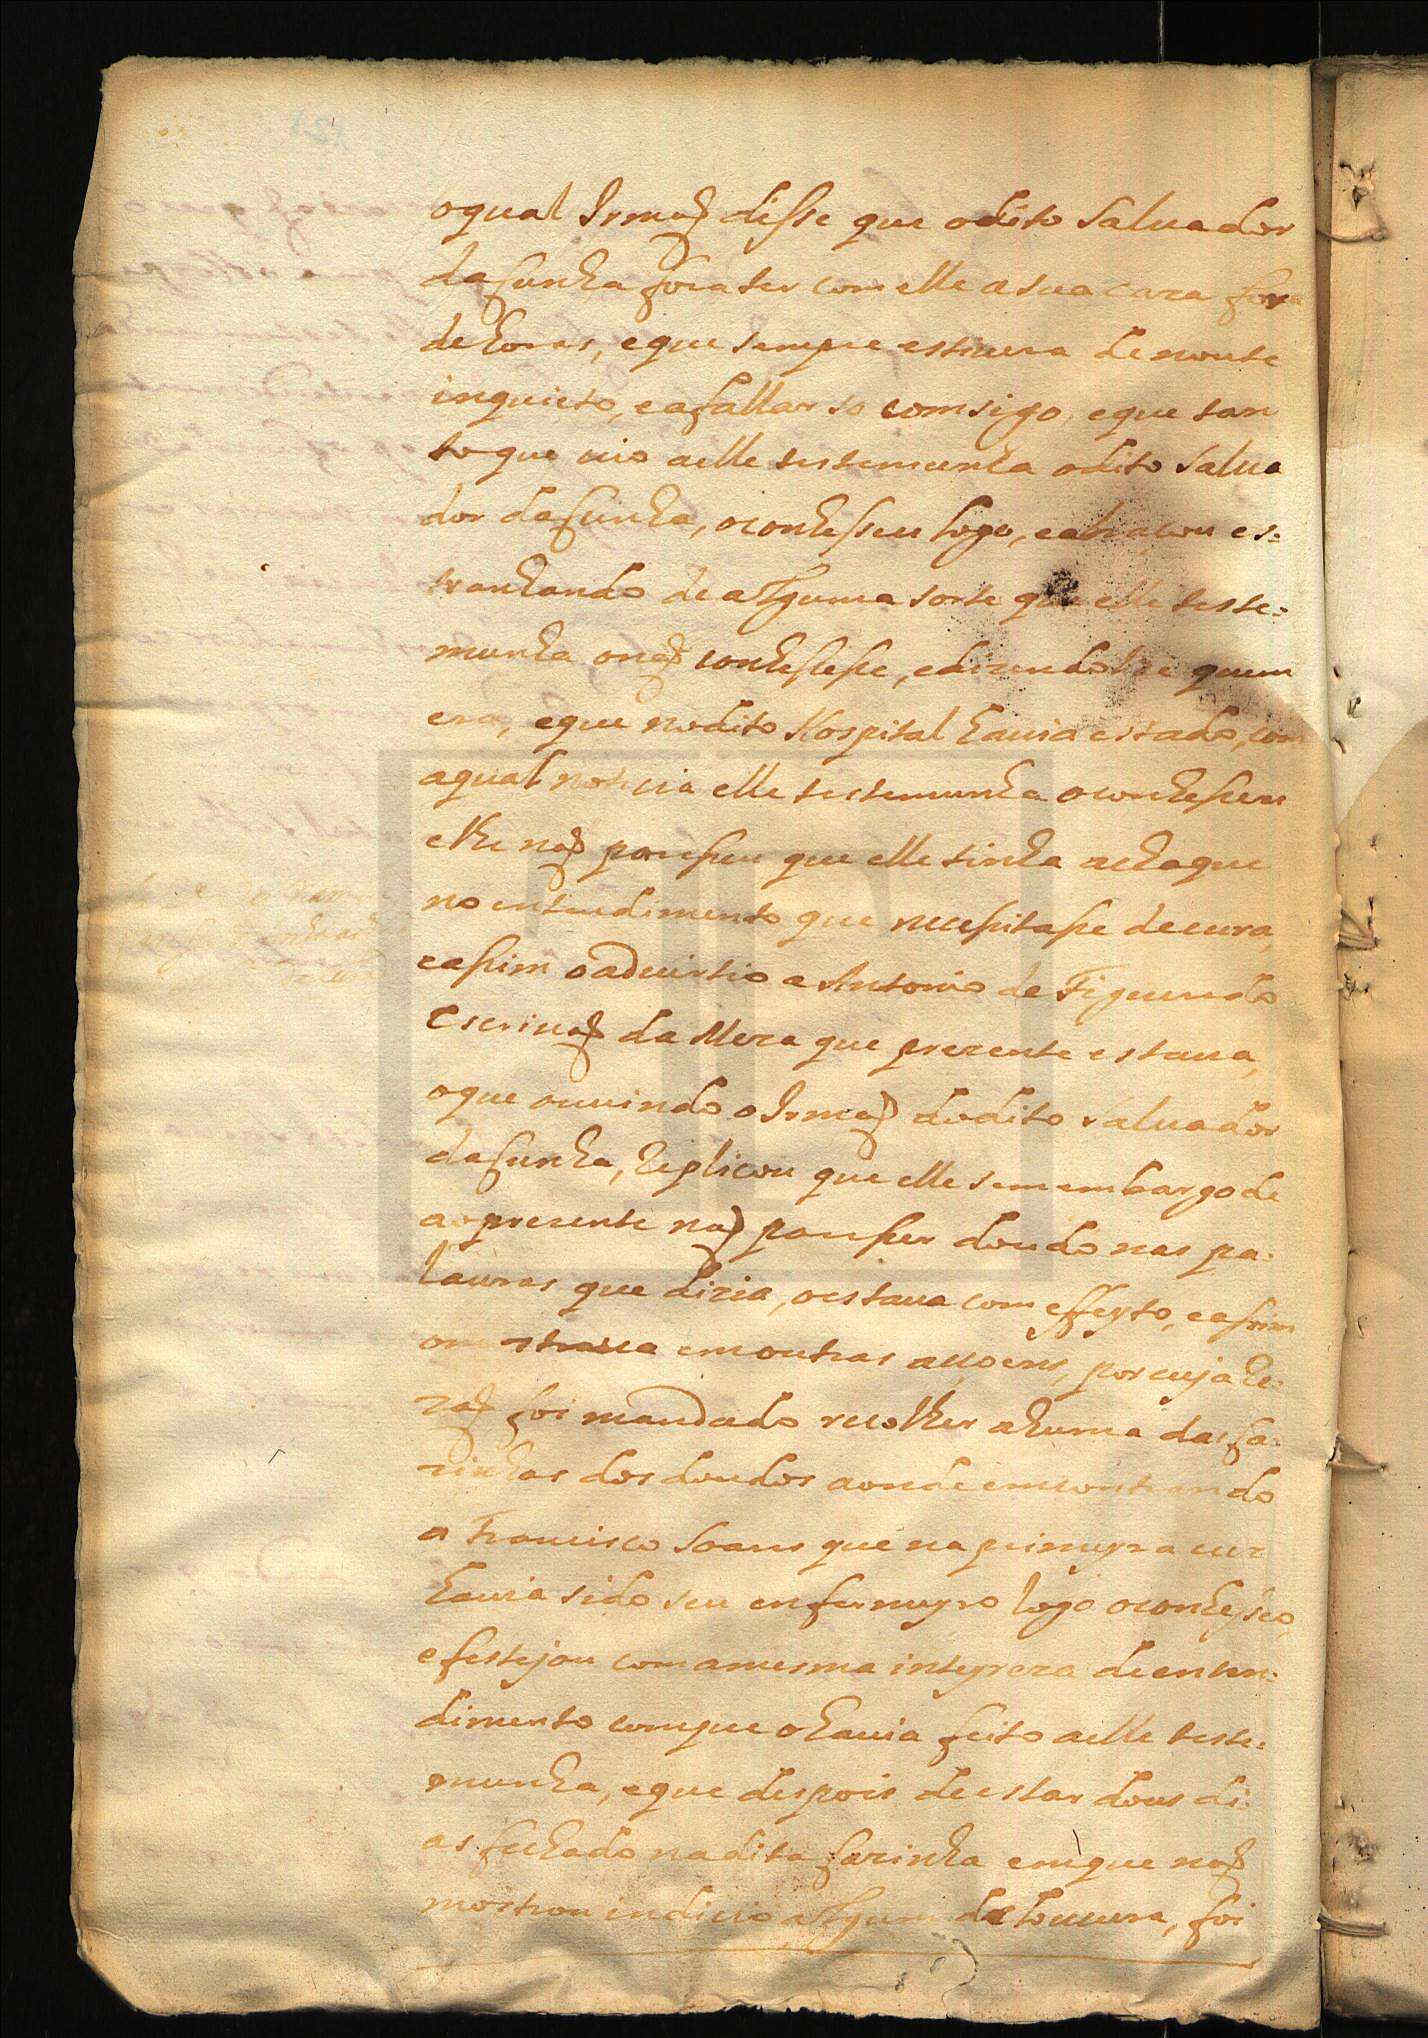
o qual Irmaõ disse que o dito Saluador
da Cunha fora ter com elle a sua caza fora
de horas, e que sempre estiuera de noute
inquieto, e a fallar só comsigo, e que tan
to que uio a elle testemunha o dito Salua
dor da Cunha, o conhesseu logo, e abraçou es
tranhando de alguma sorte q_e elle teste
munha o naõ conhessesse, e dizendolhe quem
era, e que no dito Hospital hauia estado, com
a qual noticia elle testemunha o conhesseu
e lhe naõ paresseo que elle tinha achaque
no entendimento que necessitasse de cura,
e assim o aduirtio a Antonio de Figueredo
escriuaõ da Meza que prezente estaua,
o que ouuindo o Irmaõ do dito Saluador
da Cunha, Replicou que elle sem embargo de
ao prezente naõ paresser doudo nas pa
lauras que dizia, o estaua com effeyto, e assim
o mostraua em outras acçoens, por cuja Re
zaõ foi mandado recolher a huma das Ca
zinhas dos doudos aonde emcontrando
a Francisco Soares que na primeyra uez
hauia sido seu enfermeyro logo o conhesseo,
e festejou com a mesma inteyreza de enten
dimento com que o hauia feito a elle teste
munha, e que despois de estar dous di
as fechado na dita Cazinha em que naõ
mostrou indicio algum de loucura, foi
